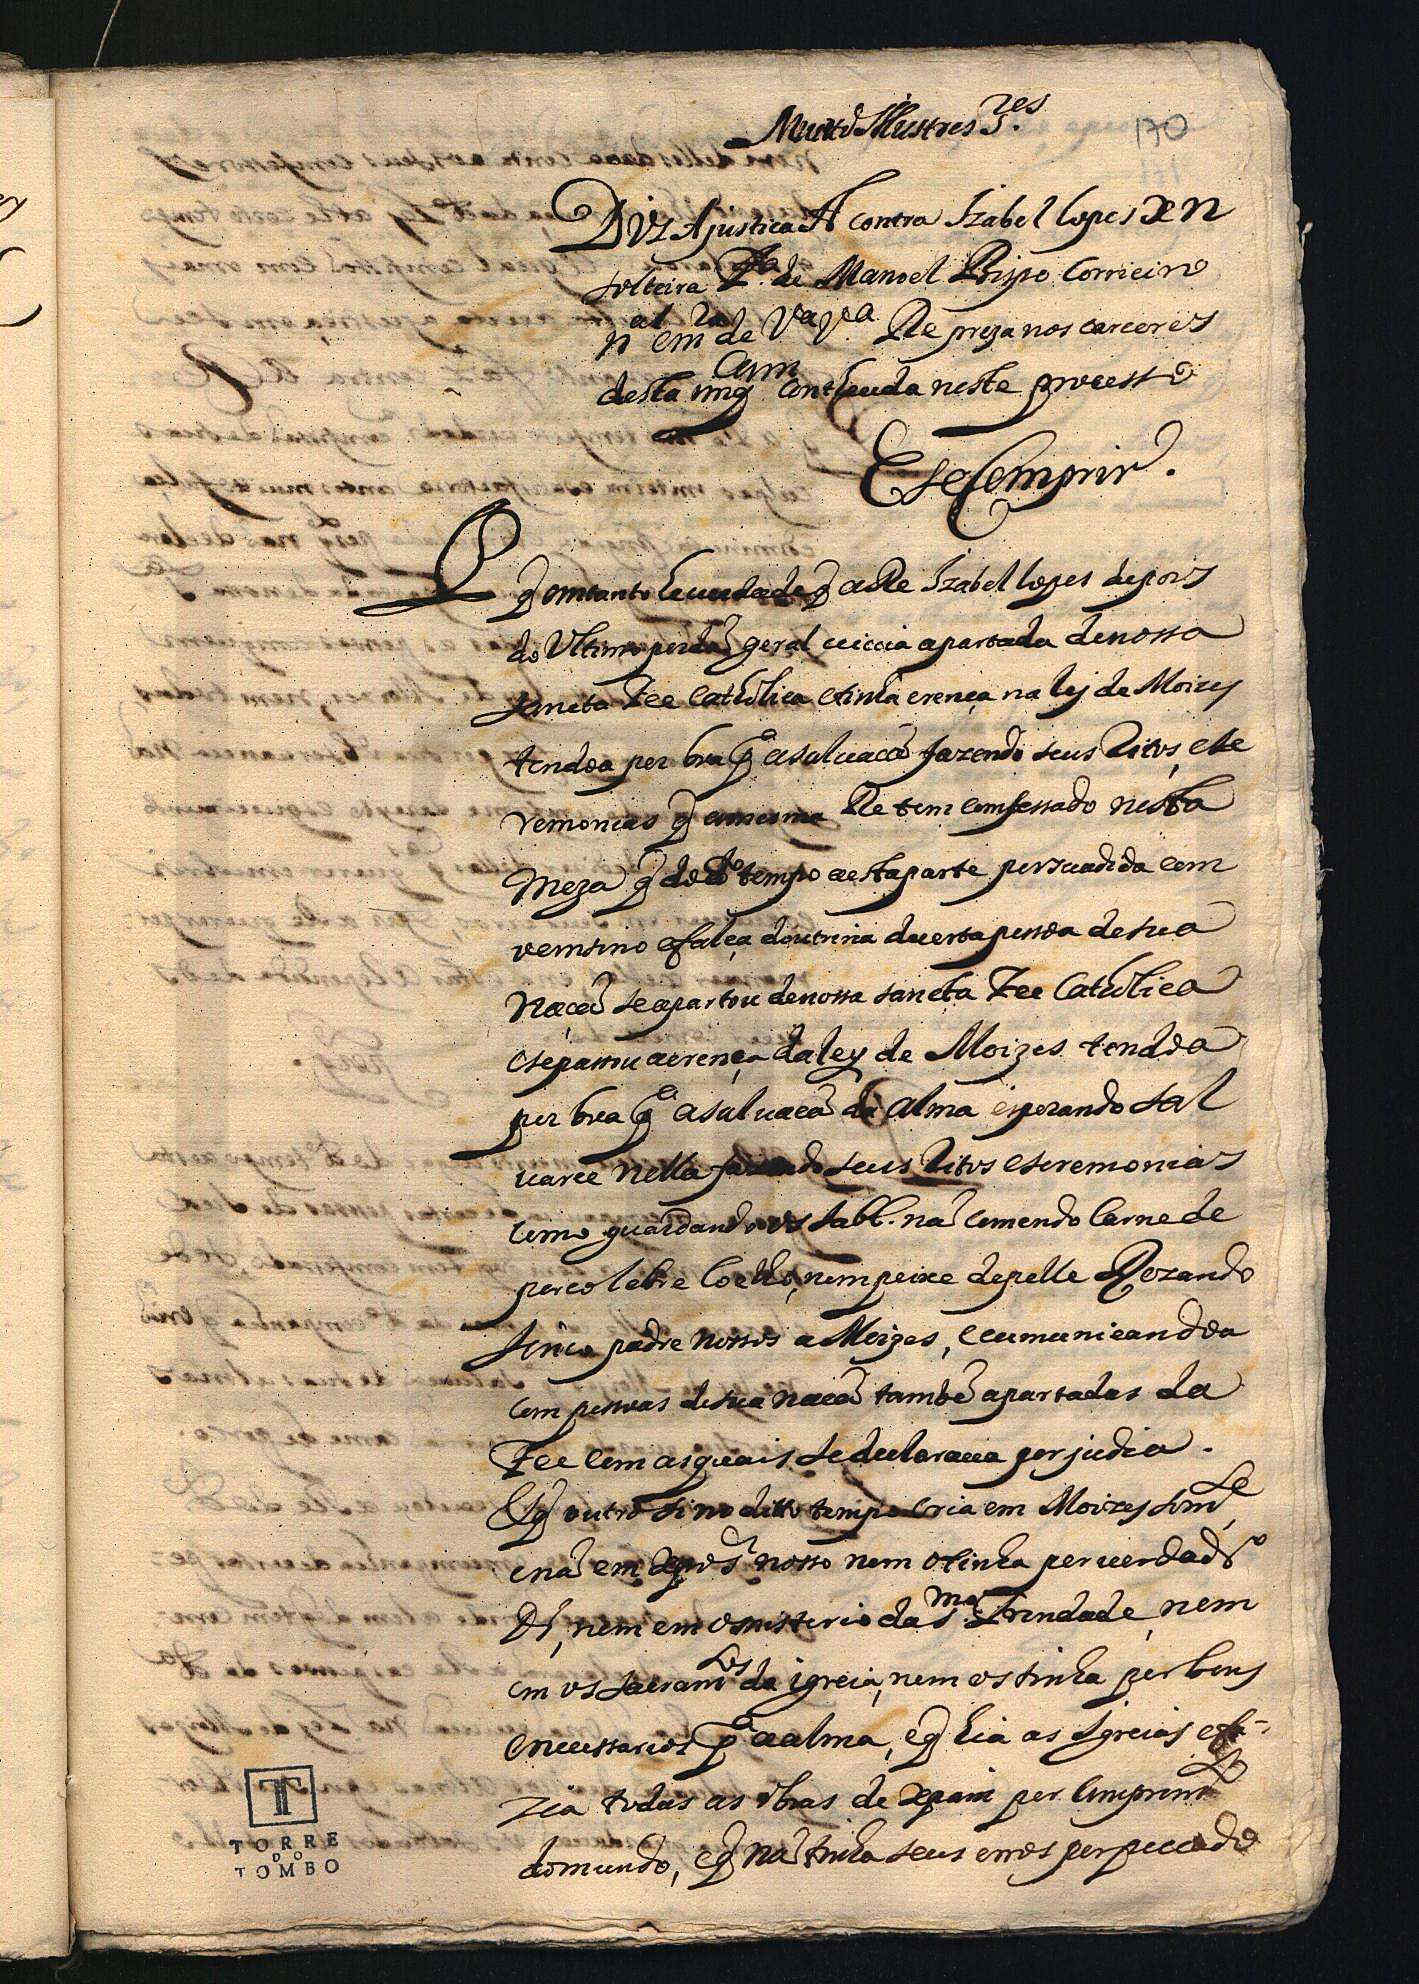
Muitto Illustres s.res
Diz A justica A contra Izabel lopes X N
solteira f.a de Manoel Bispo corrieiro
nal e mra de Va V.a Re preza nos carceres
desta imqcam contheuda neste processo
E se Comprir.
P q̄ em tanto he uerdade q̄ a Re Izabel lopes depois
do Vltimo perdaõ geral uiuia apartada de nossa
Sancta Fee catholica e tinha crença na lej de Moizes
tendoa per boa pa a saluacā fazendo seus Ritos, e Se
remonias q̄ a mesma Re tem comfessado nesta
meza q̄ do d̄o tempo a esta parte persuadida com
o emsino e falça doutrina de certa pessoa de sua
Naçā se apartou de nossa sancta Fee Catholica
e se passou a crença da ley de Moizes tendoa
per boa pa a saluacā da alma esperando Sal
uarce nella fa_do seus Ritos e seremonias
como guardando os sabb. nā comendo Carne de
porco lebre Coelho, nem peixe de pelle Rezando
Sinco padre nossos a Moizes, e cumunicandoa
com pessoas de sua nacā tambē apartadas da
Fee com as quais se declaraua por judia.
& q̄ outrosi no ditto tempo cria em Moizes somte,
e nā em xpo sor nosso nem o tinha per uerdadro
Ds̄, nem em o misterio da sma. Trindade, nem
em os Sacramtos da igreia, nem os tinha per bons
e necessarios pa a alma, e q̄ hia as Igreias e fa
zia todas as obras de xpam per comprimto
do mundo, e q̄ nā tinha seus erros per peccado
